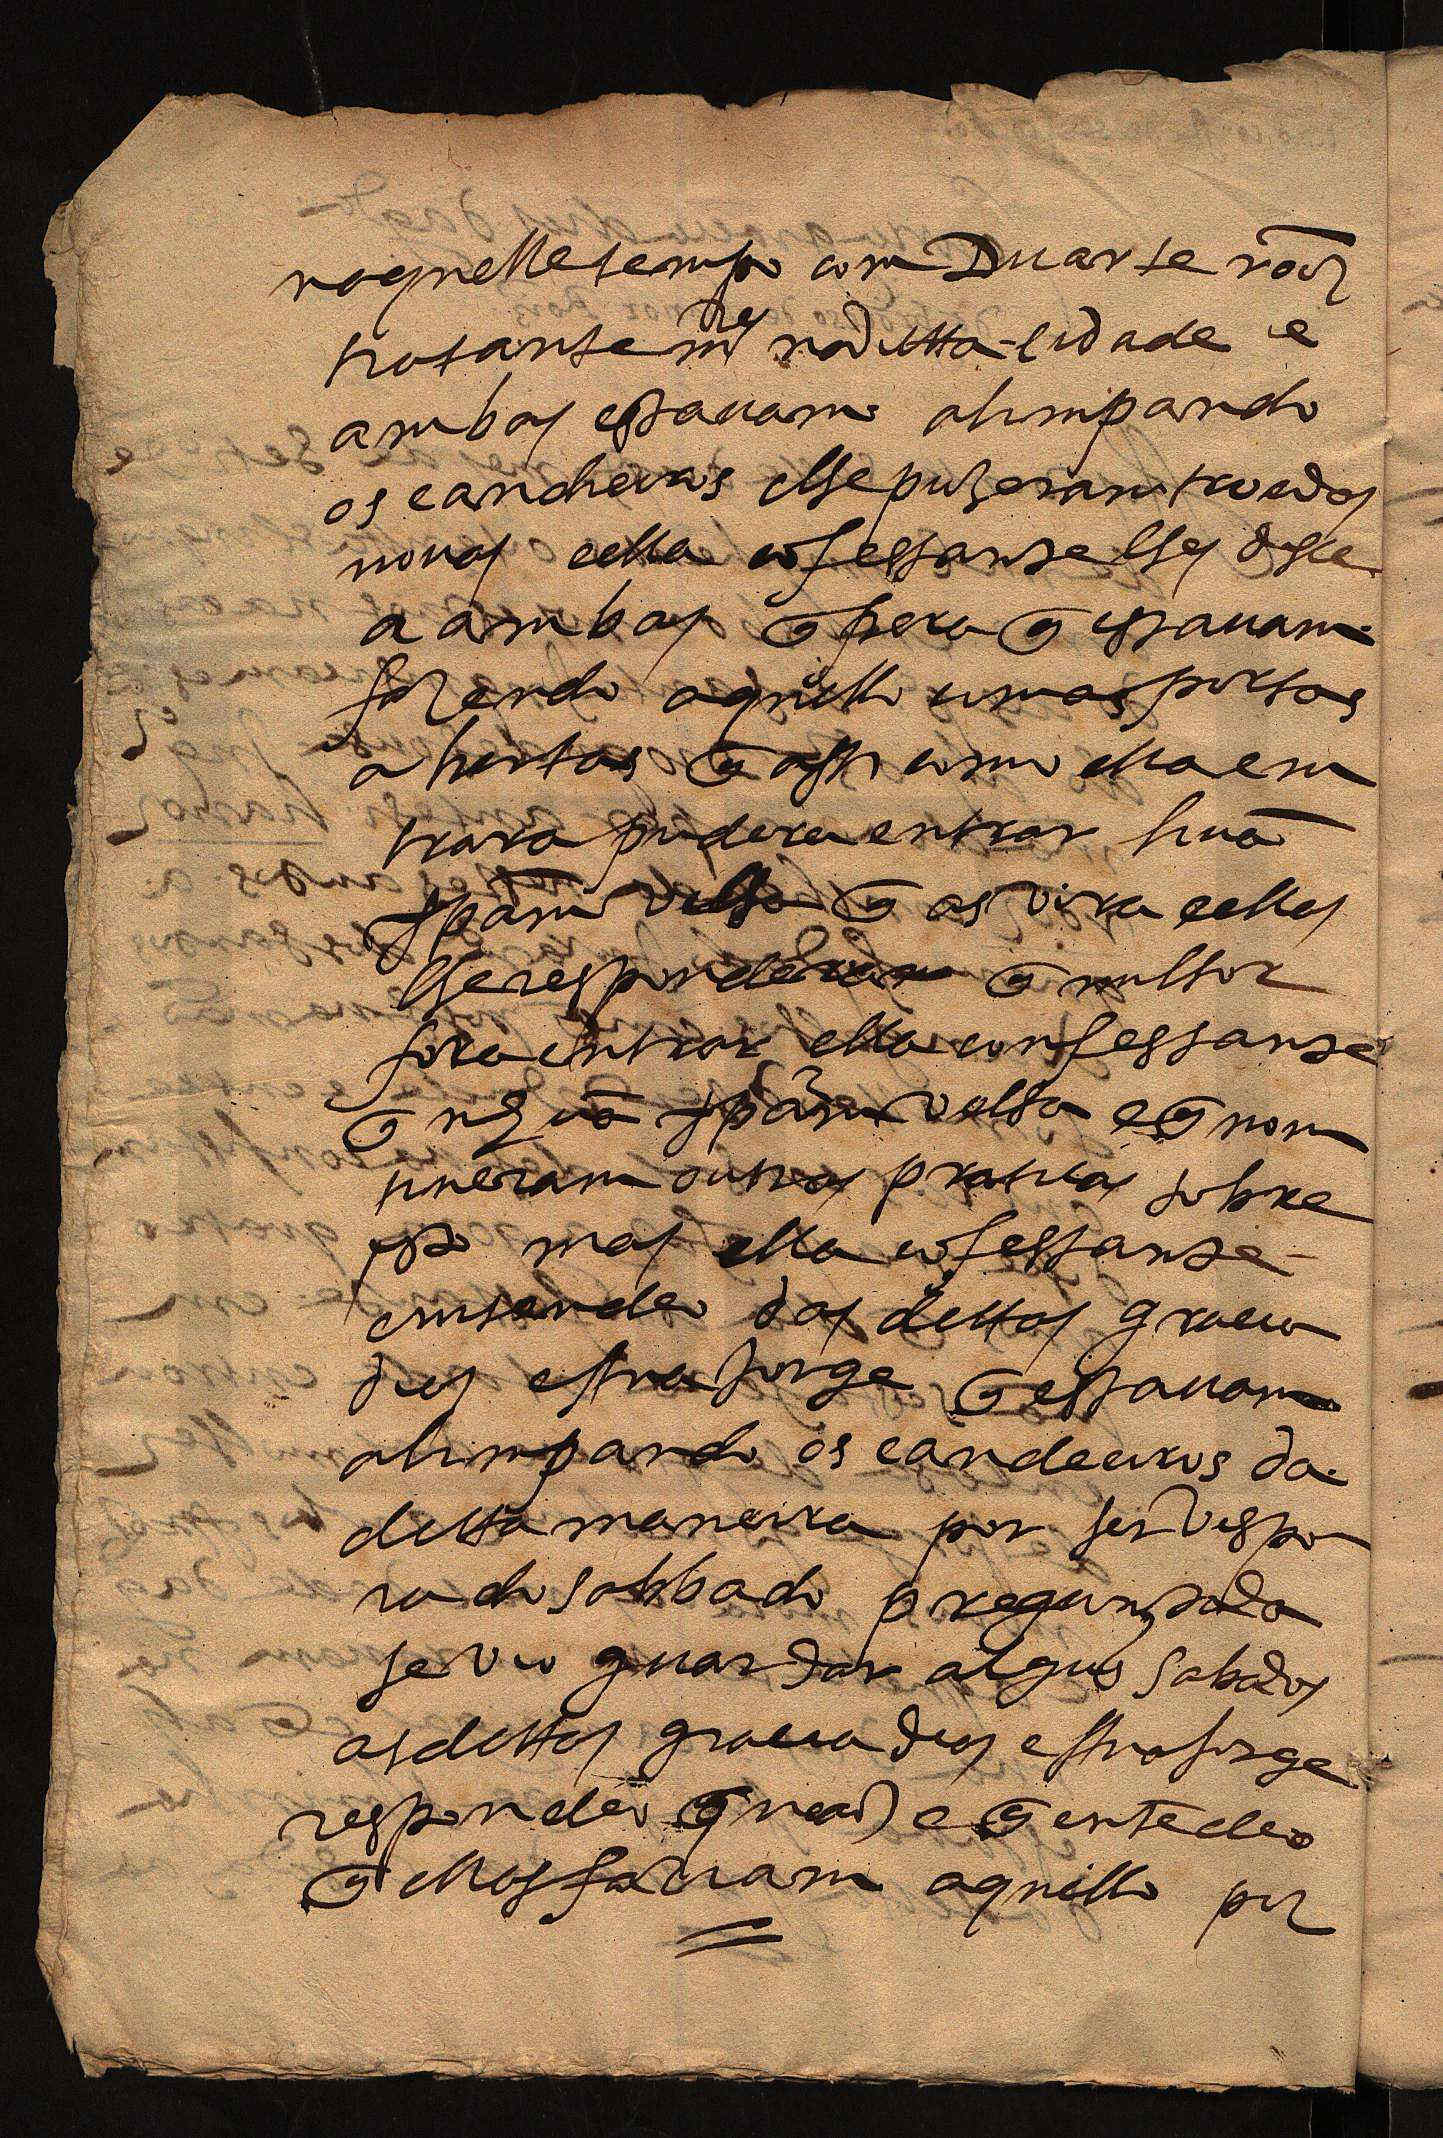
naquelle tempo com Duarte rōiz
tratante mor na ditta cidade e
ambas estauam alimpando
os candieiros e lhe puzeram trocidas
nouas e ella cōfessante lhes disse
a ambas q̄ pera q̄ estauam
fazendo aquillo com as portas
abertas q̄ assi como ella em
trara pudera entrar huā
xpām velha q̄ as vira e elles
lhe responderam q̄ milhor
fora entrar ella confessante
q̄ nhuā xpam velha e q̄ nom
tiueram outras praticas sobre
jsto mas ella cōfessante
emtendeo das dittas gracia
dias e Ana Jorge q̄ estauam
alimpando os candeeiros da
ditta maneira por ser vespo
ra do sabbado preguntada
se vio guardar algūs sabados
as dittas gracia diaz e Ana Jorge
respondeo q̄ naõ e q̄ entēdeo
q̄ ellas faziam aquillo por
